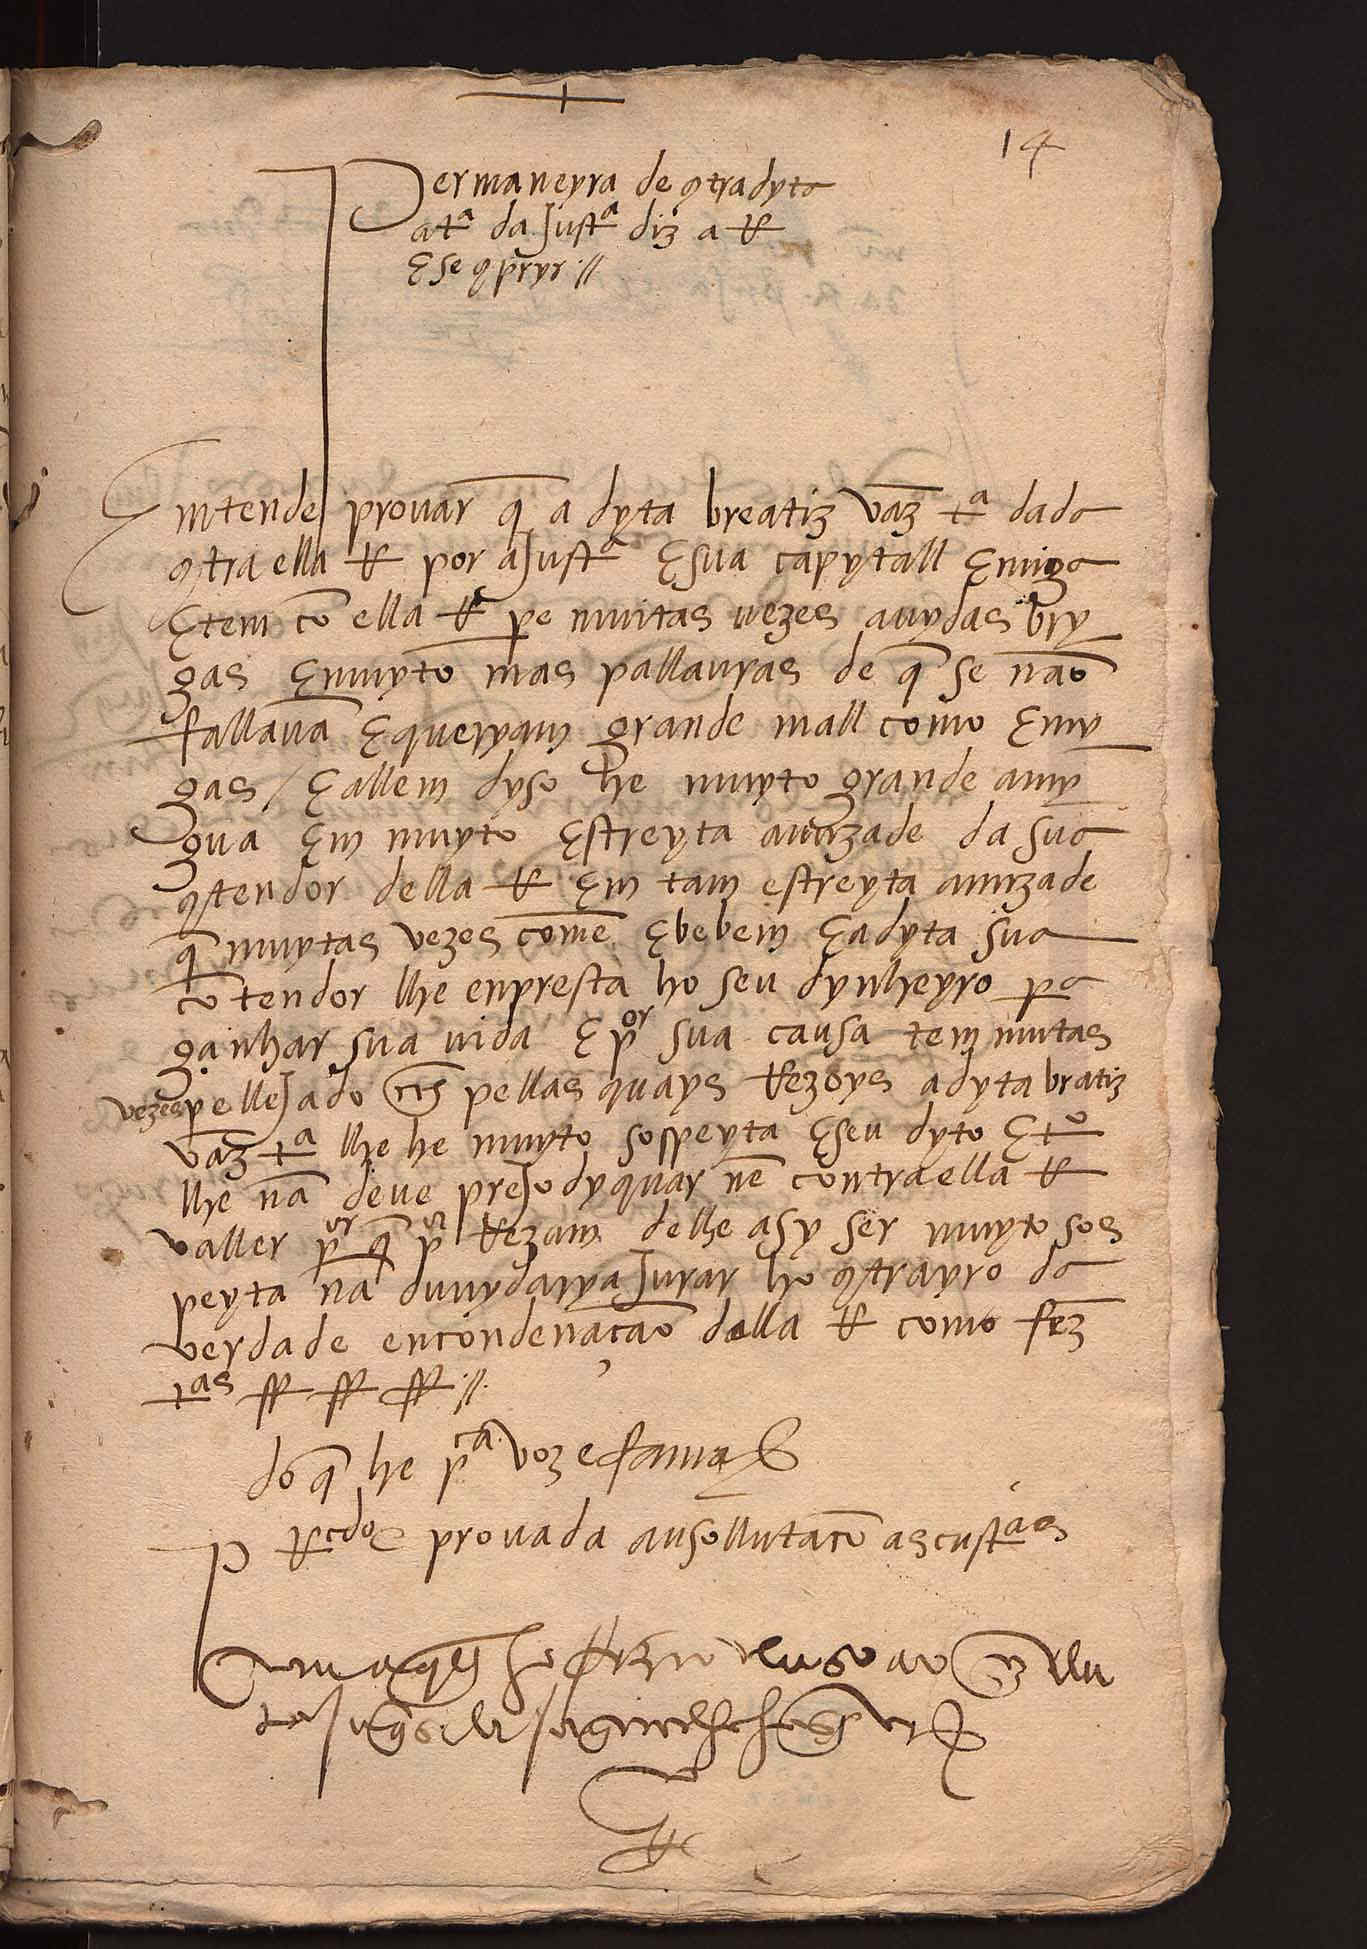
14
Per maneyra de ꝯtradyta
a ta da Justa diz a R
E se ꝯpryr.//
Emtende prouar q̄ a dyta breatiz vāz ta dada
ꝯtra ella R por a Justa E sua capytall Emiga
E tem cō ella R ꝑe muitas uezes auydas bry
gas E muyto mas pallauras de q̄ se não
fallauā E queryam grande mal como Emy
gas / E allem dyso he muyto grande amy
gua Em muyto Estreyta amizade da sua
ꝯtendor della R Em tam estreyta amizade
q̄ muytas vezes c̄ome E bebem E a dyta sua
c̄otendor lhe enpresta ho seu dynheyro ꝑa
ganhar sua uida E por sua causa tem mutas
vezes pelleJado c̄cꝭ pellas quays Rezoys a dyta bratiz
vāz ta lhe he muyto sospeyta E seu dyto E to
lhe nā deue preJodyquar n̄e contra ella R
valler porq̄ por Rezam de lhe asy ser muyto sos
peyta nā duuydarya Jurar ho ꝯtrayro da
verdade en condenação della R como fez
tas ff ff ff .//.
do q̄ he pca voz e fama
P Redo e prouada ausolluta c̄o as custas
Com a q̄ll ho fyz c̄ocluso ao sōr dou
tor Jnq̄sydor Jorge coelho ho esp̄vy
Co
